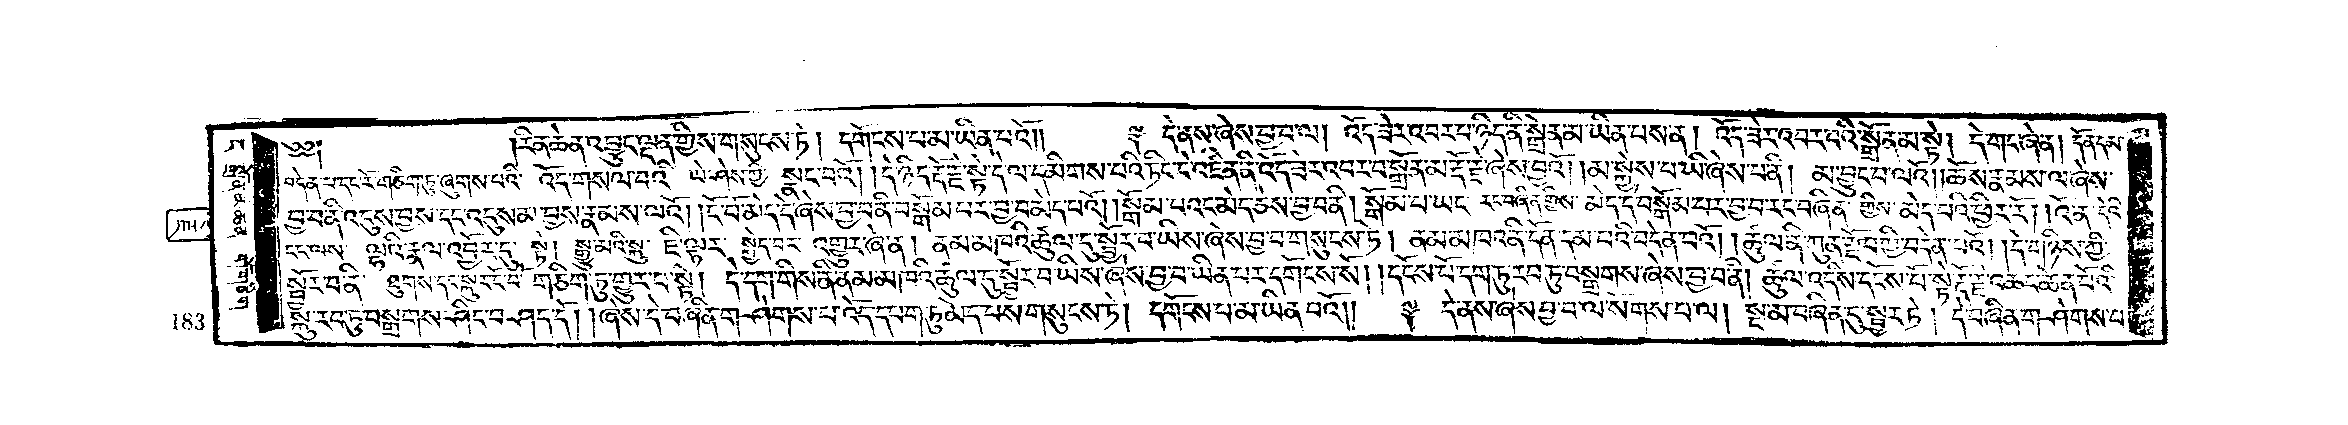༄༅། །རིན་ཆེན་འབྱུང་ལྡན་གྱིས་གསུངས་ཏེ། དགོངས་པ་མ་ཡིན་པའོ།། ༈ དེ་ནས་ཞེས་བྱ་བ་ལ། འོད་ཟེར་འབར་པ་ཉིད་ནི་སྒྲོན་མ་ཡིན་པས་ན། འོད་ཟེར་འབར་བའི་སྒྲོན་མ་སྟེ། དེ་གང་ཞེ་ན། དོན་དམ་
བདེན་པ་དང་རོ་གཅིག་ཏུ་ཞུགས་པའི་འོད་གསལ་བའི་ཡེ་ཤེས་ཀྱི་སྣང་བའོ། །དེ་ཉིད་རྡོ་རྗེ་སྟེ་དེ་ལ་དམིགས་པའི་ཏིང་ངེ་འཛིན་ནི་འོད་ཟེར་འབར་བ་སྒྲོན་མ་རྡོ་རྗེ་ཞེས་བྱའོ། །མ་སྐྱེས་པ་ཡི་ཞེས་པ་ནི། མ་བྱུང་བ་ལའོ། །ཆོས་རྣམས་ལ་ཞེས་
བྱ་བ་ནི་འདུས་བྱས་དང་འདུས་མ་བྱས་རྣམས་ལའོ། །ངོ་བོ་མེད་དེ་ཞེས་བྱ་བ་ནི་བསྒོམ་པར་བྱ་བ་མེད་པའོ། །སྒོམ་པའང་མེད་ཅེས་བྱ་བ་ནི། སྒོམ་པ་ཡང་རང་བཞིན་གྱིས་མེད་དེ་བསྒོམ་པར་བྱ་བ་རང་བཞིན་གྱིས་མེད་པའི་ཕྱིར་རོ། །འོ་ན་དེའི་
ངང་ལས་ལྷའི་རྣལ་འབྱོར་དུ་སྟེ། སྒྱུ་མའི་སྐུ་ཇི་ལྟར་སྐྱེད་པར་འགྱུར་ཞེ་ན། ནམ་མཁའི་ཚུལ་དུ་སྦྱོར་བ་ཡིས་ཞེས་བྱ་བ་གསུངས་ཏེ། ནམ་མཁའ་ནི་དོན་དམ་པའི་བདེན་པའོ། །ཚུལ་ནི་ཀུན་རྫོབ་ཀྱི་བདེན་པའོ། །དེ་གཉིས་ཀྱི་
སྦྱོར་བ་ནི། ཐུགས་དང་སྐུར་ངོ་བོ་གཅིག་ཏུ་གྱུར་པ་སྟེ། དེ་དག་གིས་ནི་ནམ་མཁའི་ཚུལ་དུ་སྦྱོར་བ་ཡིས་ཞེས་བྱ་བ་ཡིན་པར་དགོངས་སོ། །དངོས་པོ་དག་ཏུ་རབ་ཏུ་བསྒྲགས་ཞེས་བྱ་བ་ནི། ཚུལ་འདིས་དངོས་པོ་སྟེ་རྡོ་རྗེ་འཆང་ཆེན་པོའི་
སྐུ་རབ་ཏུ་བསྒྲགས་ཤིང་བཤད་དོ། །ཞེས་དེ་བཞིན་གཤེགས་པ་འོད་དཔག་ཏུ་མེད་པས་གསུངས་ཏེ། དགོངས་པ་མ་ཡིན་པའོ།། ༈ དེ་ནས་ཞེས་བྱ་བ་ལ་སོགས་པ་ལ། སྔ་མ་བཞིན་དུ་སྦྱར་ཏེ། དེ་བཞིན་གཤེགས་པ་